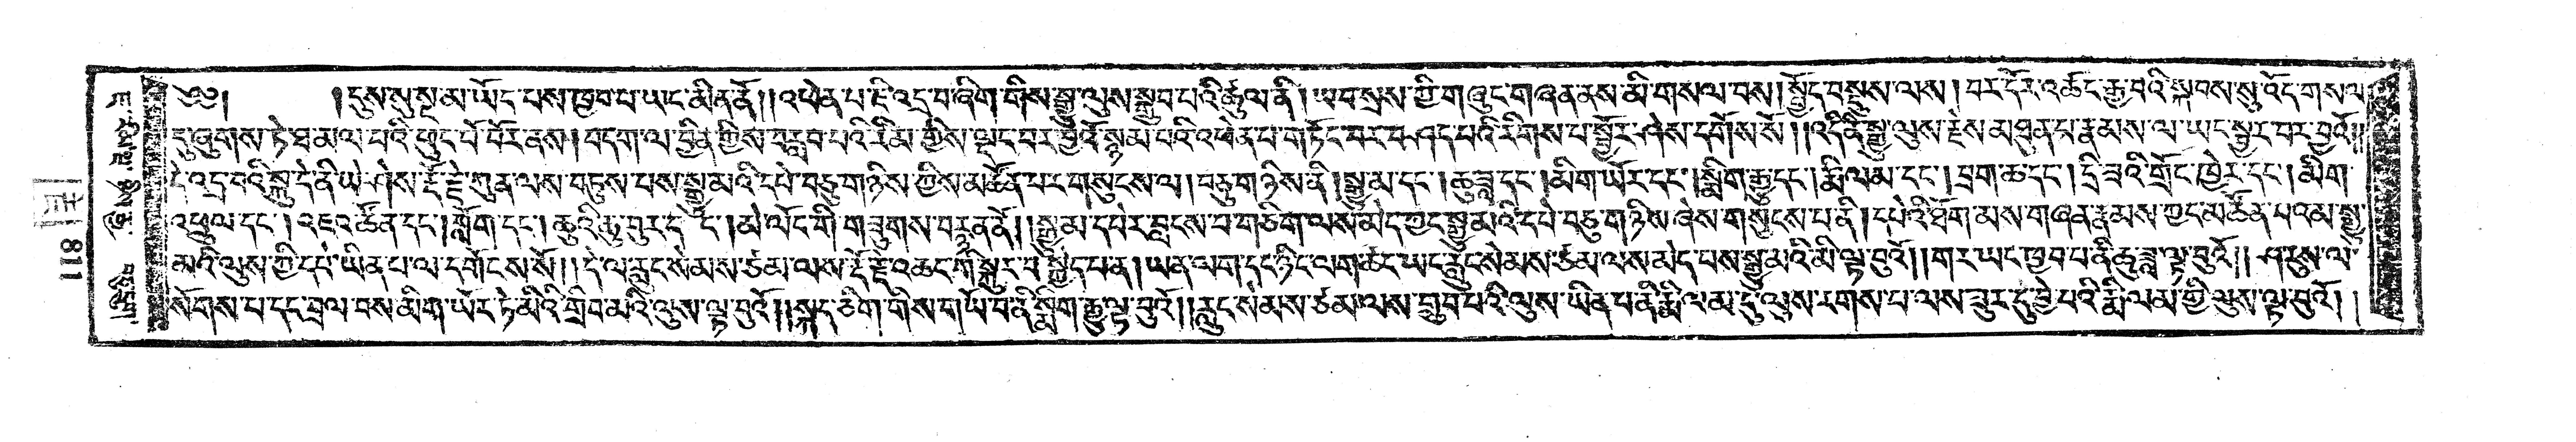༄༅། །དུས་སུ་སྔ་མ་ཡོང་པས་ཁྱབ་པ་ཡང་མིན་ནོ། །འཕེན་པ་ཇི་འདྲ་བ་ཞིག་གིས་སྒྱུ་ལུས་སྒྲུབ་པའི་ཚུལ་ནི། ཡབ་སྲས་ཀྱི་གཞུང་གཞན་ནས་མི་གསལ་བས། སྤྱོད་བསྡུས་ལས། བར་དོར་འཚང་རྒྱ་བའི་སྐབས་སུ་འོད་གསལ་
དུ་ཞུགས་ཏེ་ཐ་མལ་པའི་ཕུང་པོ་བོར་ནས། བདག་ལ་བྱིན་གྱིས་བརླབ་པའི་རིམ་གྱིས་ལྡང་བར་བྱའོ་སྙམ་པའི་འཕེན་པ་གཏོང་བར་བཤད་པའི་རིགས་པ་སྦྱོར་ཤེས་དགོས་སོ། །འདི་ནི་སྒྱུ་ལུས་རྗེས་མཐུན་པ་རྣམས་ལ་ཡང་སྦྱར་བར་བྱའོ། །
དེ་འདྲ་བའི་སྐུ་དེ་ནི་ཡེ་ཤེས་རྡོ་རྗེ་ཀུན་ལས་བཏུས་པས་སྒྱུ་མའི་དཔེ་བཅུ་གཉིས་ཀྱིས་མཚོན་པར་གསུངས་ལ། བཅུ་གཉིས་ནི། སྒྱུ་མ་དང་། ཆུ་ཟླ་དང་། མིག་ཡོར་དང་། སྨིག་རྒྱུ་དང་། རྨི་ལམ་དང་། བྲག་ཆ་དང་། དྲི་ཟའི་གྲོང་ཁྱེར་དང་། མིག་
འཕྲུལ་དང་། འཇའ་ཚོན་དང་། གློག་དང་། ཆུའི་ཆུ་བུར་དང་། མེ་ལོང་གི་གཟུགས་བརྙན་ནོ། །སྒྱུ་མ་དཔེར་བླངས་པ་གཅིག་ལས་མེད་ཀྱང་སྒྱུ་མའི་དཔེ་བཅུ་གཉིས་ཞེས་གསུངས་པ་ནི། དཔེའི་ཐོག་མས་གཞན་རྣམས་ཀྱང་མཚོན་པའམ་སྒྱུ་
མའི་ལུས་ཀྱི་དཔེ་ཡིན་པ་ལ་དགོངས་སོ། །དེ་ལ་རླུང་སེམས་ཙམ་ལས་རྡོ་རྗེ་འཆང་གི་སྐུར་བ་སྐྱེད་པ་ན། ཡན་ལག་དང་ཉིང་ལག་ཚང་ཡང་རླུང་སེམས་ཙམ་ལས་མེད་པས་སྒྱུ་མའི་མི་ལྟ་བུའོ། །གར་ཡང་ཁྱབ་པ་ནི་ཆུ་ཟླ་ལྟ་བུའོ། །ཤ་རུས་ལ་
སོགས་པ་དང་བྲལ་བས་མིག་ཡོར་ཏེ་མིའི་གྲིབ་མའི་ལུས་ལྟ་བུའོ། །སྐད་ཅིག་གིས་གཡོ་བ་ནི་སྨིག་རྒྱུ་ལྟ་བུའོ། །རླུང་སེམས་ཙམ་ལས་གྲུབ་པའི་ལུས་ཡིན་པ་ནི་རྨི་ལམ་དུ་ལུས་རགས་པ་ལས་ཟུར་དུ་བྱེ་བའི་རྨི་ལམ་གྱི་ལུས་ལྟ་བུའོ། །